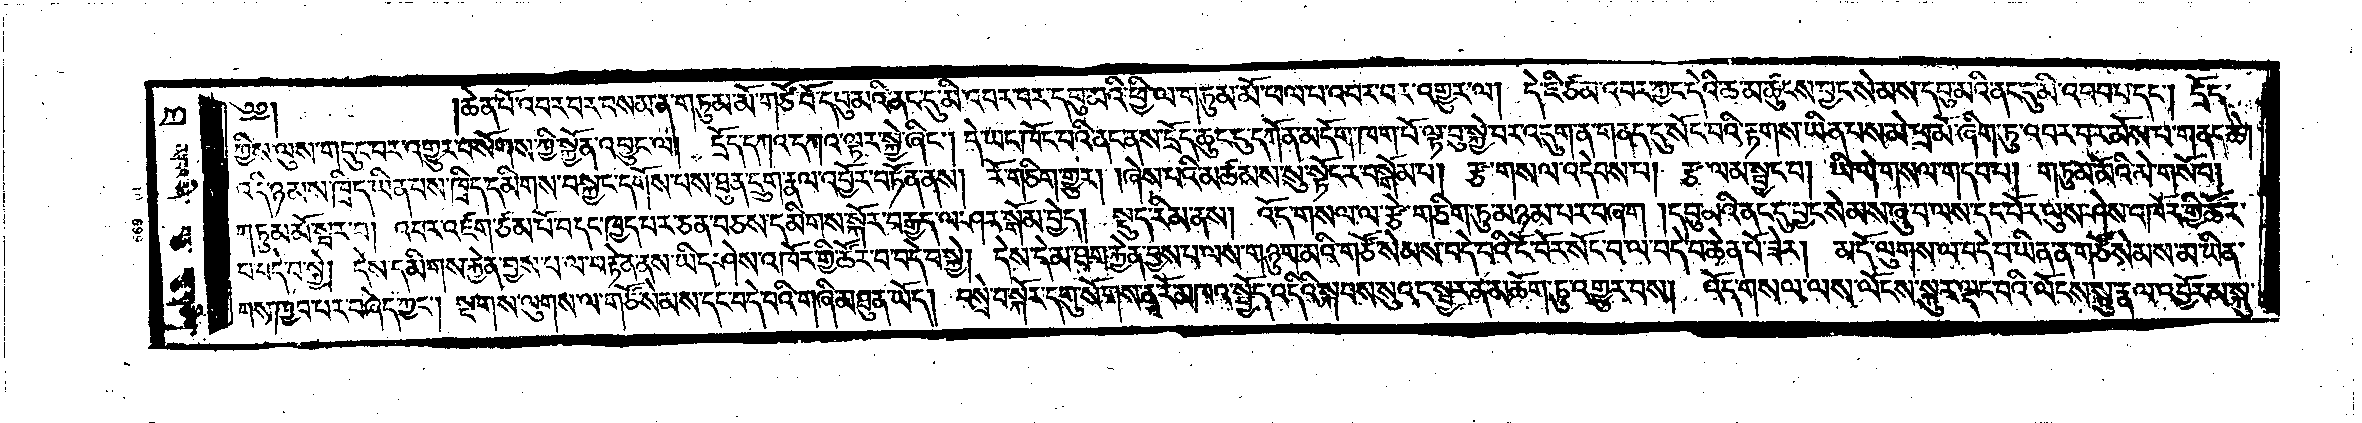༄༅། །ཆེན་པོ་འབར་བར་བསམ་ན་གཏུམ་མོ་གཙོ་བོ་དབུ་མའི་ནང་དུ་མི་འབར་བར་དབུ་མའི་ཕྱི་ལ་གཏུམ་མོ་ཕལ་པ་འབར་བར་འགྱུར་ལ། དེ་ཇི་ཙམ་འབར་ཀྱང་དེའི་ཆ་མཚུངས་བྱང་སེམས་དབུ་མའི་ནང་དུ་མི་འབབ་པ་དང་། དྲོད་
ཀྱིས་ལུས་གདུང་བར་འགྱུར་བ་སོགས་ཀྱི་སྐྱོན་འབྱུང་ལ། དྲོད་དཀའ་དཀའ་ལྟར་སྐྱེ་ཞིང་། དེ་ཡང་ཁོང་བའི་ནང་ནས་དྲོད་ཆུང་ངུ་དཀོན་མདོག་ཁག་པོ་ལྟ་བུ་སྐྱེ་བར་འདུག་ན་གནད་དུ་སོང་བའི་རྟགས་ཡིན་པས་མེ་ཕྲ་མོ་ཞིག་ཏུ་འབར་བར་མོས་པ་གནད་ཆེ།
འདི་ཉམས་ཁྲིད་ཡིན་པས་ཁྲིད་དམིགས་བསྐྱང་དགོས་པས་ཐུན་དྲུག་རྣལ་འབྱོར་བཏོན་ནས། རོ་གཅིག་གྱུར། །ཞེས་པའི་མཚམས་སུ་སྟོང་ར་བསྒོམ་པ། རྩ་གསལ་འདེབས་པ། རྩ་ལ་མ་སྦྱང་བ། ཡི་གེ་གསལ་གདབ་པ། གཏུམ་མོའི་མེ་གསོ་བ།
གཏུམ་མོ་སྦར་བ། འབར་འཛག་ཙམ་པོ་བ་དང་ཁྱད་པར་ཅན་བཅས་དམིགས་སྐོར་བརྒྱད་ལ་ཤར་སྒོམ་བྱེད། སྡུད་རིམ་ནས། འོད་གསལ་ལ་རྩེ་གཅིག་ཏུ་མཉམ་པར་བཞག །དབུ་མའི་ནང་དུ་བྱང་སེམས་ཞུ་བ་ལས་དང་པོར་ལུས་ཤེས་འཁོར་གྱི་ཚོར་
བ་བདེ་བསྐྱེ། དེས་དམིགས་རྐྱེན་བྱས་པ་ལ་བརྟེན་ནས་ཡིད་ཤེས་འཁོར་གྱི་ཚོར་བ་བདེ་བསྐྱེ། དེས་དེ་མ་ཐག་རྐྱེན་བྱས་པ་ལས་གཉུག་མའི་གཙོ་སེམས་བདེ་བའི་ངོ་བོར་སོང་བ་ལ་བདེ་བ་ཆེན་པོ་ཟེར། མདོ་ལུགས་ལ་བདེ་བ་ཡིན་ན་གཙོ་སེམས་མ་ཡིན་
པས་ཁྱབ་པར་བཞེད་ཀྱང་། སྔགས་ལུགས་ལ་གཙོ་སེམས་དང་བདེ་བའི་གཞི་མཐུན་ཡོད། བསྲེ་བ་སྐོར་དགུ་སོགས་ནཱ་རོ་མཁའ་སྤྱོད་འདིའི་སྐབས་སུའང་སྦྱར་ན་མཆོག་ཏུ་འགྱུར་བས། འོད་གསལ་ལས་ལོངས་སྐུར་ལྡང་བའི་ལོངས་སྐུ་རྣལ་འབྱོར་མ་སྐུ་